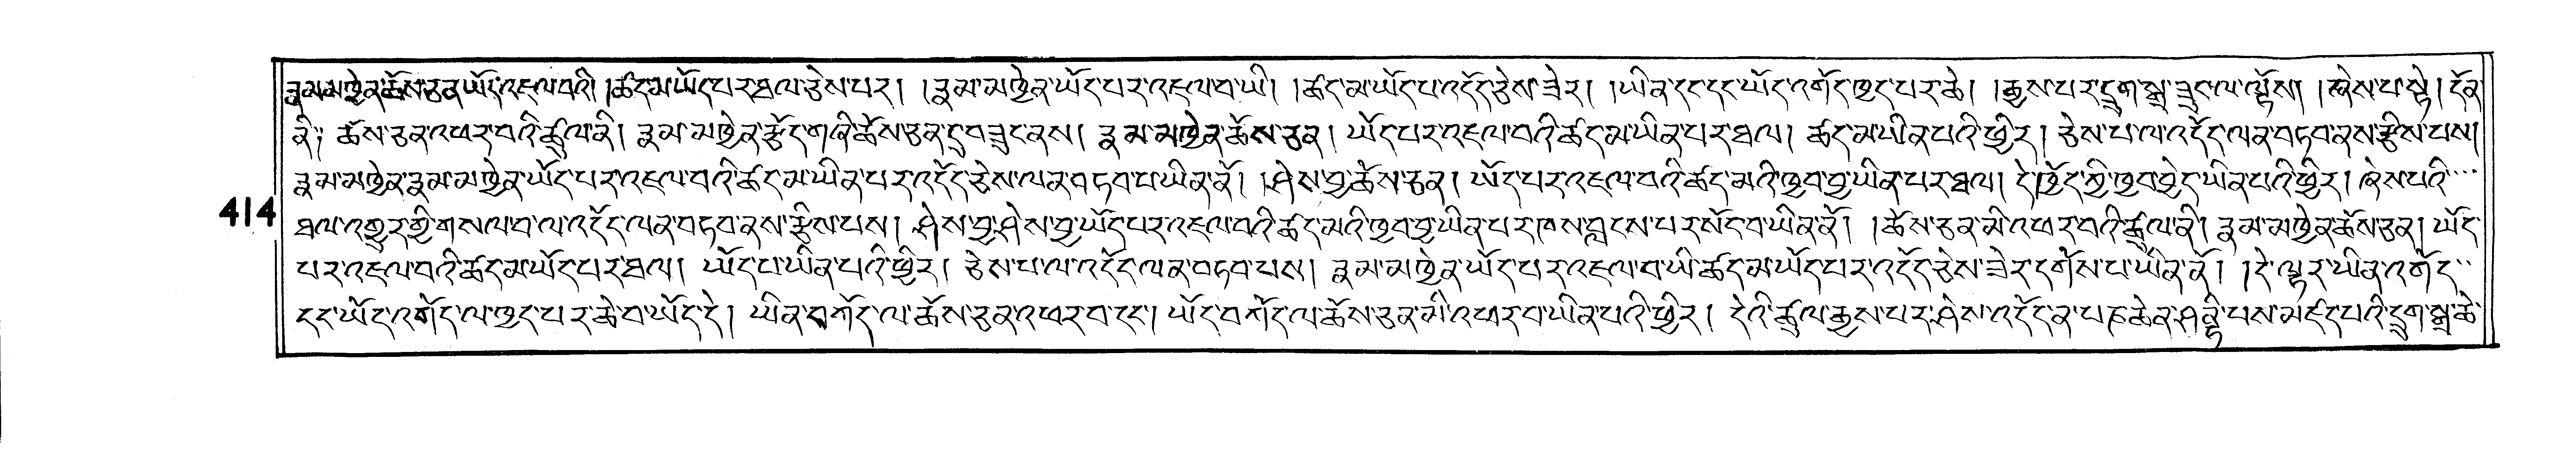རྣམ་མཁྱེན་ཆོས་ཅན་ཡོད་འཇལ་བའི། །ཚད་མ་ཡོད་པར་ཐལ་རྩེས་པར། །རྣམ་མཁྱེན་ཡོད་པར་འཇལ་བ་ཡི། །ཚད་མ་ཡོད་པ་འདོད་ཅེས་ཟེར། །ཡིན་དང་དང་ཡོད་འགོད་ཁྱད་པར་ཆེ། །རྒྱས་པར་དྲུག་སྒྲ་ཟུང་ལ་ལྟོས། །ཞེས་པ་སྟེ། དོན་
ནི༑ ཆོས་ཅན་འཕར་བའི་ཚུལ་ནི། རྣམ་མཁྱེན་རྩོད་གཞི་ཆོས་ཅན་དུ་བཟུང་ནས། རྣམ་མཁྱེན་ཆོས་ཅན། ཡོད་པར་འཇལ་བའི་ཚད་མ་ཡིན་པར་ཐལ། ཐད་མ་ཡིན་པའི་ཕྱིར། ཆོས་པ་ལ་འདོད་ལན་བཏབ་ནས་རྩིས་པས།
རྣམ་མཁྱེན་རྣམ་མ་མཁྱེན་ཡོད་པར་འཇལ་བའི་ཚད་མ་ཡིན་པར་འདོད་ཅེས་ལན་བཏབ་པ་ཡིན་ནོ། །ཤེས་བྱ་ཆོས་ཅན། ཡོད་པར་འཇལ་བའི་ཚད་མའི་ཁྱབ་བྱ་ཡིན་པར་ཐལ། དེ་ཁྱོད་ཀྱི་ཁྱབ་བྱེད་ཡིན་པའི་ཕྱིར། ཞེས་པའི་
ཐལ་འགྱུར་གྱི་གསལ་བ་ལ་འདོད་ལན་བཏབ་ནས་རྩིས་པས། ཤེས་བྱ་ཤེས་བྱ་ཡོད་པར་འཇལ་བའི་ཚད་མའི་ཁྱབ་བྱ་ཡིན་པར་ཁས་བླངས་པར་སོང་བ་ཡིན་ནོ། །ཆོས་ཅན་མི་འཕར་བའི་ཚུལ་ནི། རྣམ་མཁྱེན་ཆོས་ཅན། ཡོད་
པར་འཇལ་བའི་ཚད་མ་ཡོད་པར་ཐལ། ཡོད་པ་ཡིན་པའི་ཕྱིར། ཅེས་པ་ལ་འདོད་ལན་བཏབ་པས། རྣམ་མཁྱེན་ཡོད་པར་འཇལ་བ་ཡི་ཚད་མ་ཡོད་པར་འདོད་ཅེས་ཟེར་དགོས་པ་ཡིན་ནོ། །དེ་ལ༑ཏར་ཡིན་འགོད་
དང་ཡོད་འགོད་ལ་ཁྱད་པར་ཆེ་བ་ཡོད་དེ། ཡིན་བཀོད་ལ་ཆོས་ཅན་འཕར་བ་དང་། ཡོད་བཀོད་ལ་ཆོས་ཅན་མི་ཕར་བ་ཡིན་པའི་ཕྱིར། དེའི་ཚུལ་རྒྱས་པར་ཤེས་འདོད་ན་པན་ཆེན་ཤནྟི་པས་མཛད་པའི་དྲུག་སྒྲ་ཆེ་